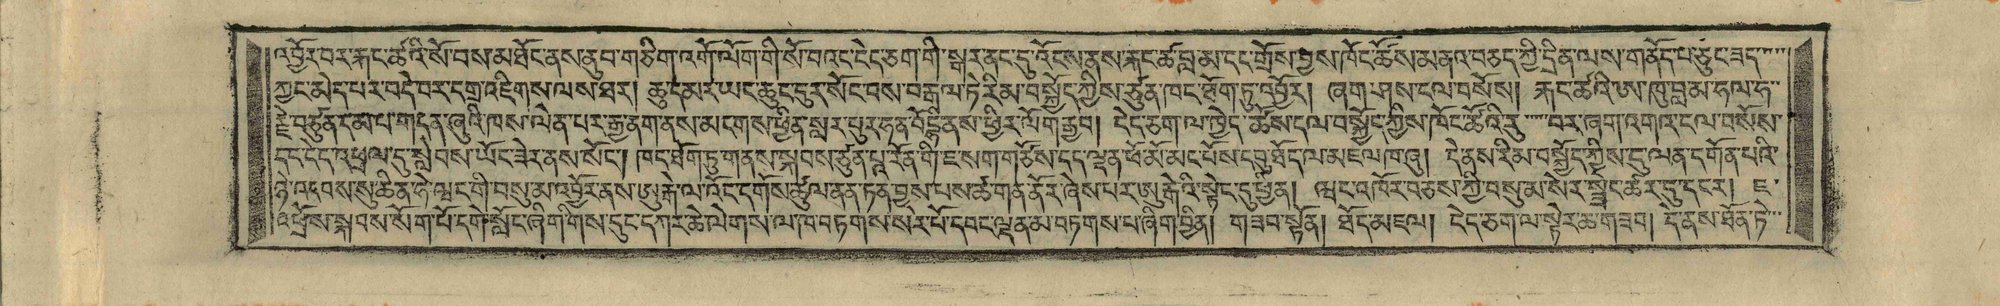འབྱོར་བར་རྐང་ཚའི་སོ་བས་མཐོང་ནས་ནུབ་གཅིག་འགོ་ལོག་གི་སོ་བའང་ངེད་ཅག་གི་སྒར་ནང་དུ་འོངས་ནས་རྐང་ཚ་བླ་མ་དང་གྲོས་བྱས་ཁོང་ཚོས་མནཱ་བཅད་ཀྱི་དྲིན་ལས་གནོད་པ་ཅུང་ཟད་
ཀྱང་མེད་པར་བདེ་བར་དགྲ་འཇིགས་ལས་ཐར། ཆུ་དམར་ཡང་ཆུང་ངུར་སོང་བས་བརྒལ་ཏེ་རིམ་བསྐྱོད་ཀྱིས་ཙུན་ཁང་ཐོག་ཏུ་འབྱོར། ཞག་ཤས་ངལ་བསོས། རྐང་ཚའི་ཨ་ཁུ་བླ་མ་ཧལ་ཧ་
རྗེ་བཙུན་དམ་པ་གདན་ཞུའི་ཁས་ལེན་པར་རྒྱ་ནག་ནས་མངགས་ཕྱིན་སླར་པུར་ཧན་བོདྷི་ནས་ཕྱིར་ལོག་རྒྱབ། ངེད་ཅག་ལ་ཁྱེད་ཚོས་དལ་བསྐྱོད་ཀྱིས་ཁོང་ཚོའི་རུ་བར་ཞག་འགའ་ངལ་བསོས་
དང་ངེད་འཕྲལ་དུ་སླེབས་ཡོང་ཟེར་ནས་སོང་། ཁང་ཐོག་ཏུ་གནས་སྐབས་ཙུན་པཱ་རོན་གི་ཇ་སག་གཙོས་དད་ལྡན་ཕོ་མོ་མང་པོས་དབུ་ཐོད་ལ་མཇལ་ཁ་ཞུ། དེ་ནས་རིམ་བསྐྱོད་ཀྱིས་དུ་ལན་དགོན་པའི་
ཉེ་འདབས་སུ་ཆིན་ཧེ་ཝང་གི་བསུ་མ་འབྱོར་ནས་ཨུ་རྒེ་ལ་འོང་དགོས་ཚུལ་ནན་ཏན་བྱས་པས་ཚ་གན་ནོར་ཞེས་པར་ཨུ་རྒེའི་སྟེང་དུ་ཕྱིན། ཝང་འཁོར་བཅས་ཀྱི་བསུ་མ་སེ་ར་སྦྲེང་ཚར་དུ་དངར། ཇ་
འཕྲོས་སྐབས་སོག་པོ་དགེ་སློང་ཞིག་གིས་དུང་དཀར་ཆེ་ལེགས་ལ་ཁ་བཏགས་སེར་པོ་དབང་ལྡན་མ་བཏགས་པ་ཞིག་བྱིན། གཟབ་སྟོན། ཐོད་མཇལ། ངེད་ཅག་ལ་སྟེར་ཆ་གཟབ། དེ་ནས་ཐོན་ཏེ་